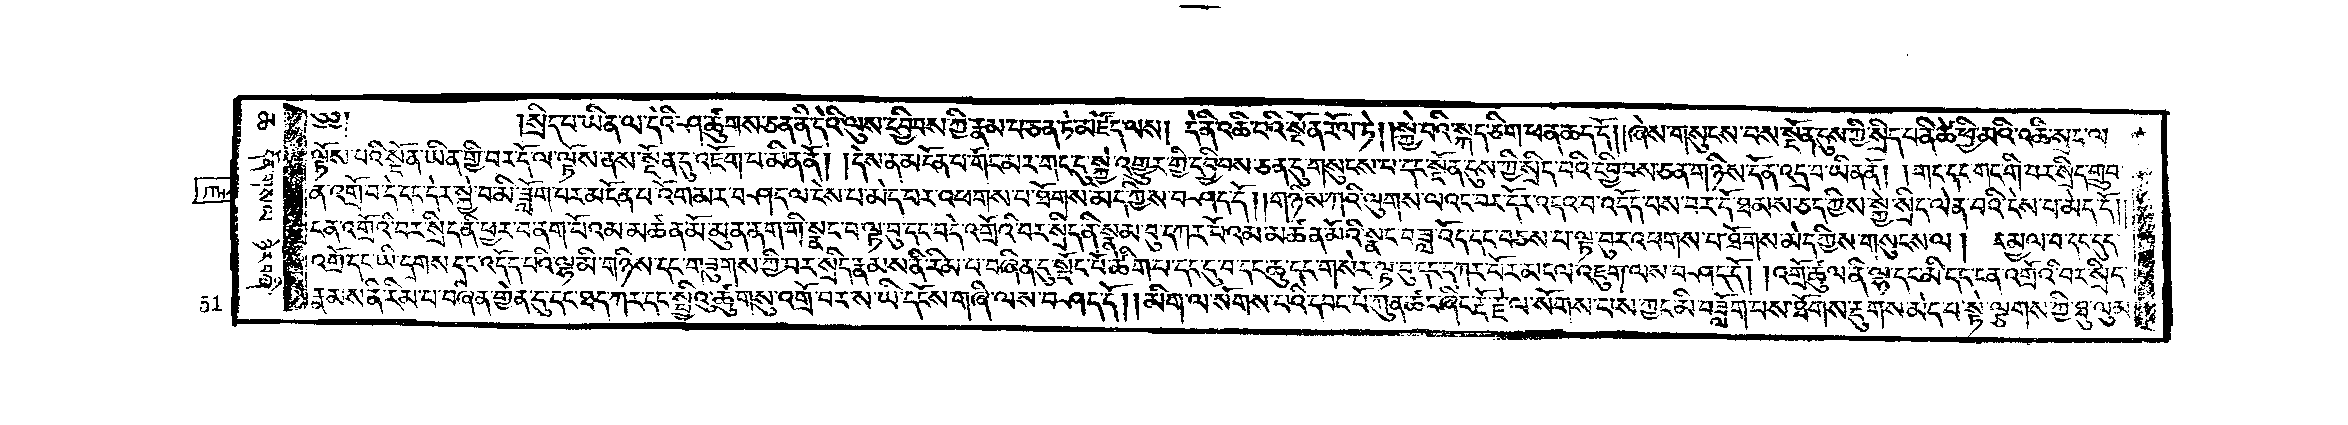༄༅། །སྲིད་པ་ཡིན་ལ་དེའི་ཤ་ཚུགས་ཅན་ནི་དེའི་ལུས་དབྱིབས་ཀྱི་རྣམ་པ་ཅན་ཏེ་མཛོད་ལས། དེ་ནི་འཆི་བའི་སྔོན་རོལ་ཏེ། །སྐྱེ་བའི་སྐད་ཅིག་ཕན་ཆད་དོ། །ཞེས་གསུངས་པས་སྔོན་དུས་ཀྱི་སྲིད་པ་ནི་ཚེ་ཕྱི་མའི་འཆི་སྲིད་ལ་
ལྟོས་པའི་སྔོན་ཡིན་གྱི་བར་དོ་ལ་ལྟོས་ནས་སྔོན་དུ་འཇོག་པ་མིན་ནོ། །དེས་ན་མངོན་པ་གོང་མར་གང་དུ་སྐྱེ་འགྱུར་གྱི་དབྱིབས་ཅན་དུ་གསུངས་པ་དང་སྔོན་དུས་ཀྱི་སྲིད་པའི་དབྱིབས་ཅན་གཉིས་དོན་འདྲ་བ་ཡིན་ནོ། །གང་དང་གང་གི་བར་སྲིད་གྲུབ་
ན་འགྲོ་བ་དེ་དང་དེར་སྐྱེ་བ་མི་ཟློག་པར་མངོན་པ་འོག་མར་བཤད་ལ་ངེས་པ་མེད་པར་འཕགས་པ་ཐོགས་མེད་ཀྱིས་བཤད་དོ། །གཉིས་ཀའི་ལུགས་ལའང་བར་དོར་འདའ་བ་འདོད་པས་བར་དོ་ཐམས་ཅད་ཀྱིས་སྐྱེ་སྲིད་ལེན་པའི་ངེས་པ་མེད་དོ། །
ངན་འགྲོའི་བར་སྲིད་ནི་ཕྱར་བ་ནག་པོའམ་མཚན་མོ་མུན་ནག་གི་སྣང་བ་ལྟ་བུ་དང་བདེ་འགྲོའི་བར་སྲིད་ནི་སྣམ་བུ་དཀར་པོའམ་མཚན་མོའི་སྣང་བ་ཟླ་འོད་དང་བཅས་པ་ལྟ་བུར་འཕགས་པ་ཐོགས་མེད་ཀྱིས་གསུངས་ལ། དམྱལ་བ་དང་དུད་
འགྲོ་དང་ཡི་དྭགས་དང་འདོད་པའི་ལྷ་མི་གཉིས་དང་གཟུགས་ཀྱི་བར་སྲིད་རྣམས་ནི་རིམ་པ་བཞིན་དུ་སྡོང་པོ་ཚིག་པ་དང་དུ་བ་དང་ཆུ་དང་གསེར་ལྟ་བུ་དང་དཀར་པོར་མངལ་འཇུག་ལས་བཤད་དོ། །འགྲེ་ཚུལ་ནི་ལྷ་དང་མི་དང་ངན་འགྲོའི་བར་སྲིད་
རྣམས་ནི་རིམ་པ་བཞིན་གྱེན་དུ་དང་ཐད་ཀར་དང་སྤྱིའུ་ཚུགས་སུ་འགྲོ་བར་ས་ཡི་དངོས་གཞི་ལས་བཤད་དོ། །མིག་ལ་སོགས་པའི་དབང་པོ་ཀུན་ཚང་ཞིང་རྡོ་རྗེ་ལ་སོགས་པས་ཀྱང་མི་བཟློག་པས་ཐོགས་རྡུགས་མེད་པ་སྟེ་ལྕགས་ཀྱི་ཐུ་ལུམ་